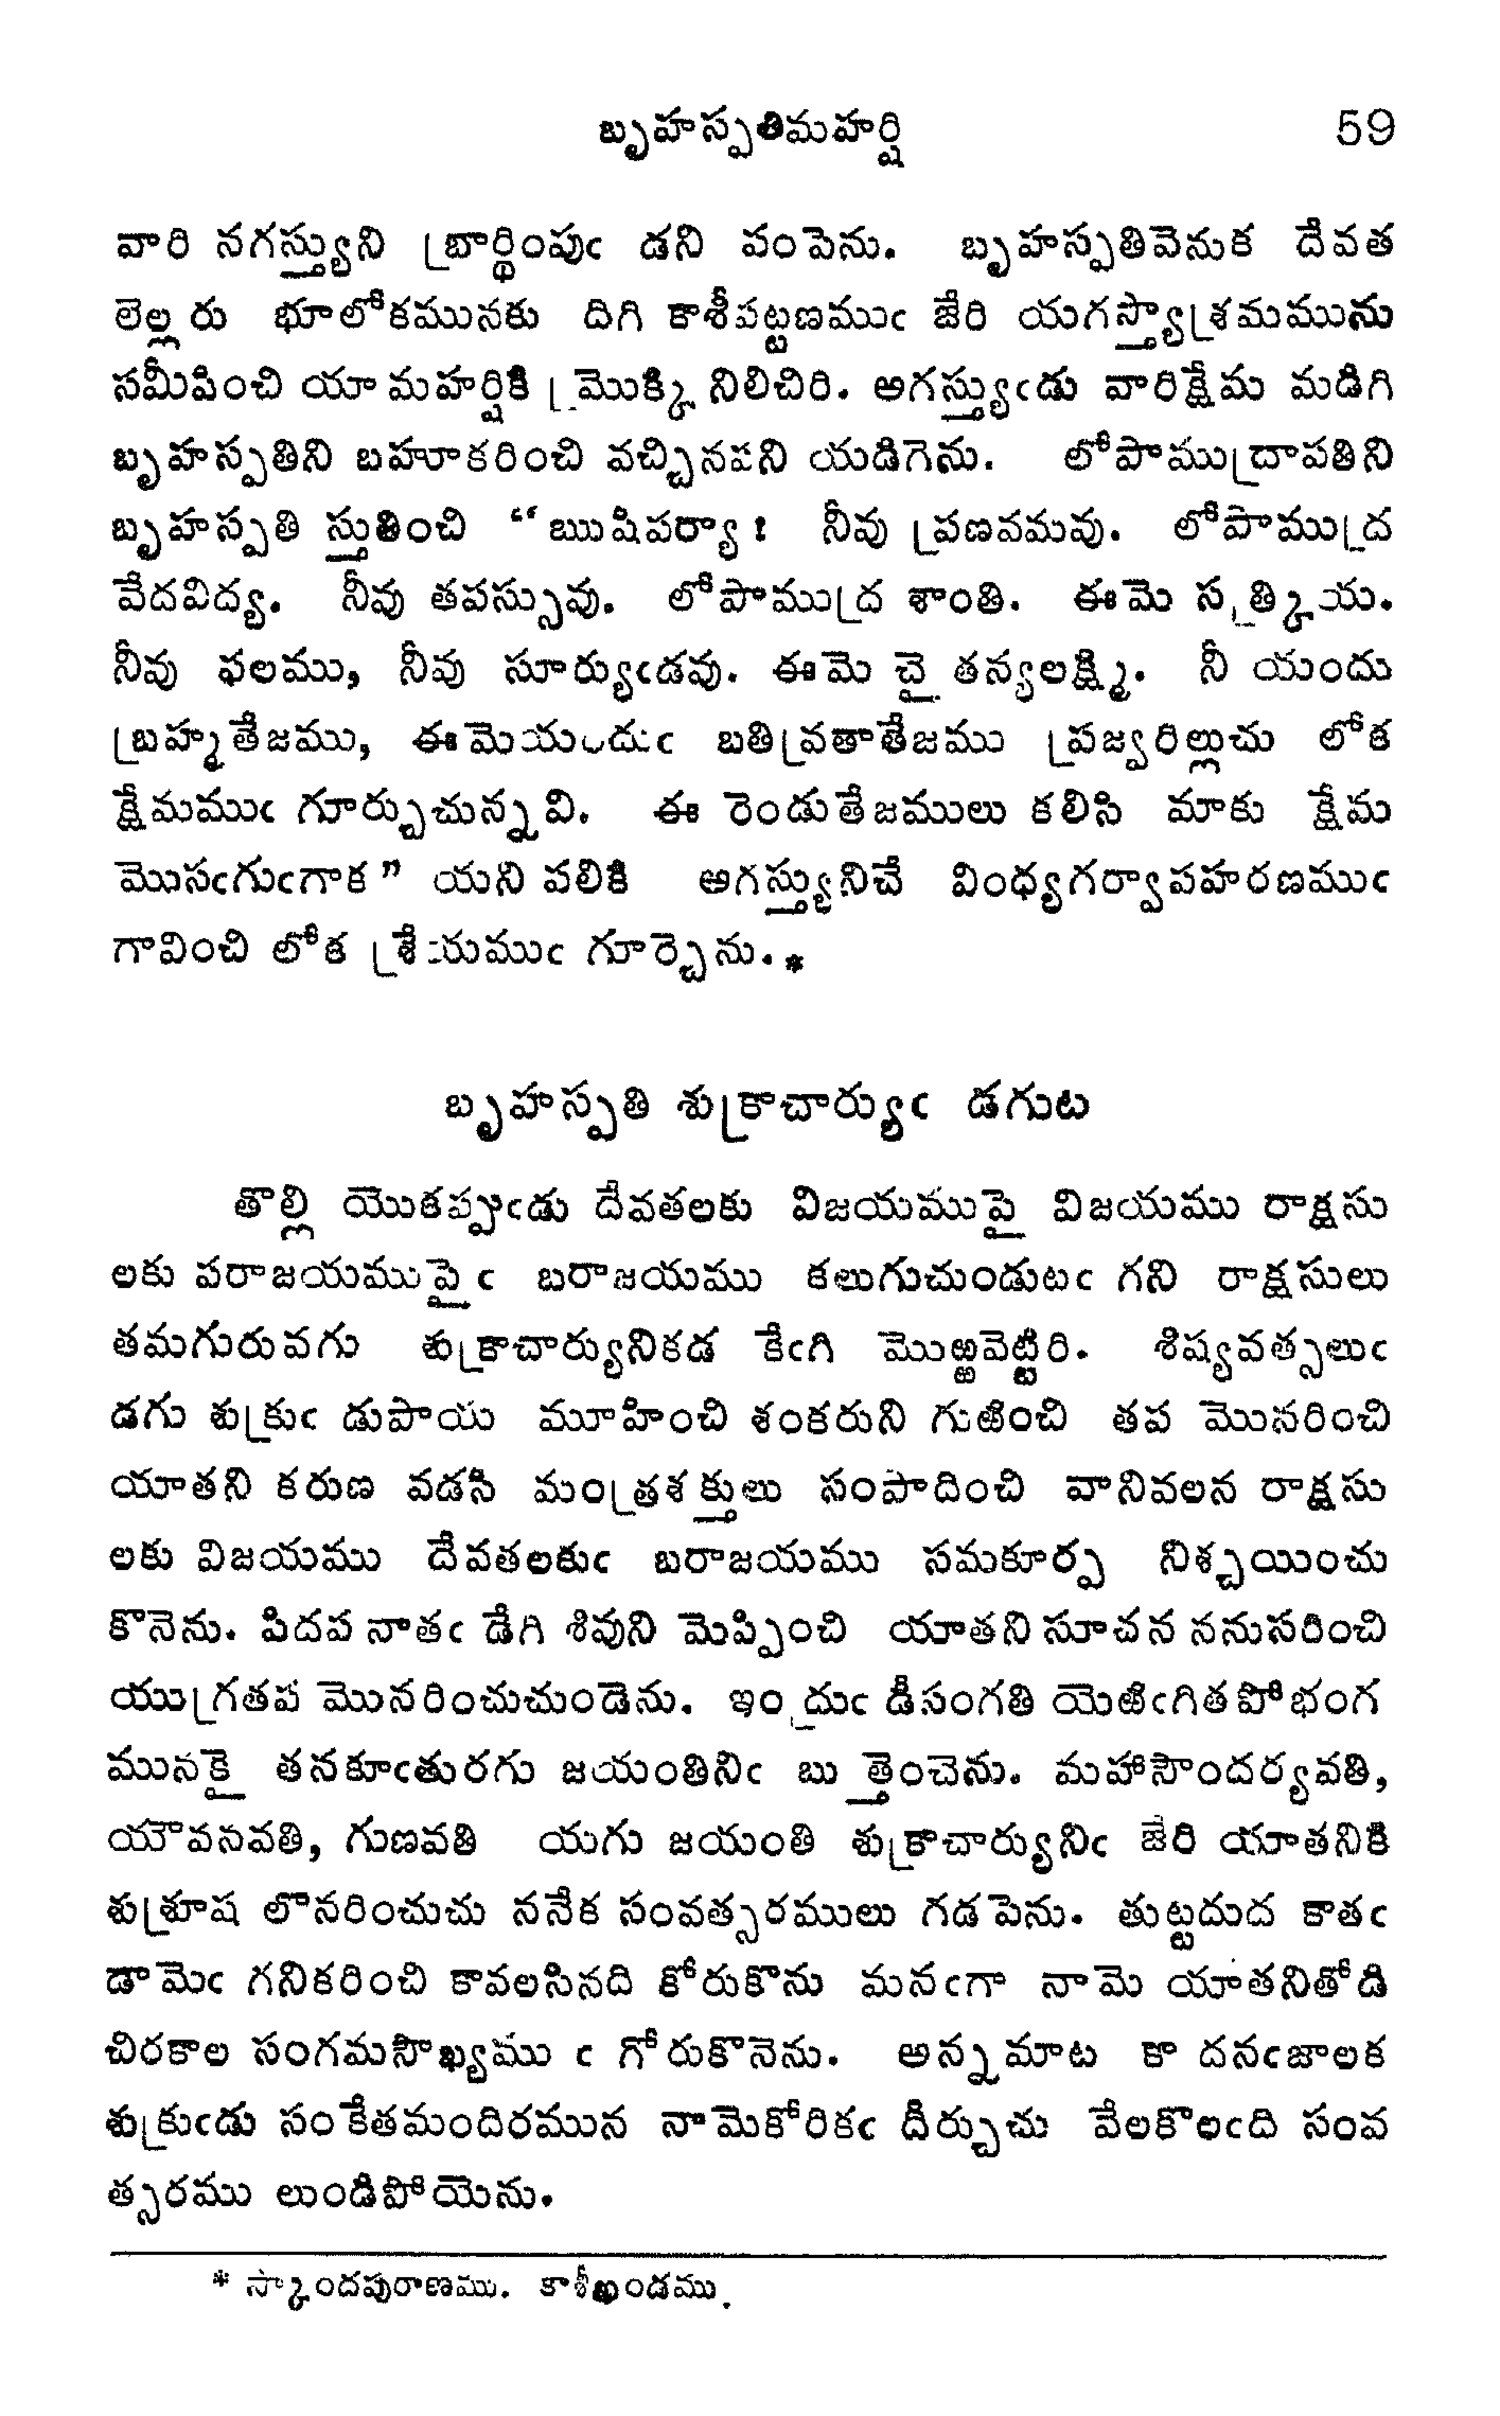వారి నగస్త్యుని బ్రార్థింపుఁ డని పంపెను. బృహస్పతివెనుక దేవతలెల్లరు భూలోకమునకు దిగి కాశీ పట్టణముఁ జేరి యగస్త్యాశ్రమమును సమీపించి యా మహర్షికి మ్రొక్కి నిలిచిరి. అగస్త్యుఁడు వారి క్షేమ మడిగి బృహస్పతిని బహూకరించి వచ్చినపని యడిగెను. లోపాముద్రాపతిని బృహస్పతి స్తుతించి “ ఋషివర్యా! నీవు ప్రణవమవు. లోపాముద్ర వేదవిద్య. నీవు తపస్సువు. లోపాముద్ర శాంతి. ఈమె సత్కియ. నీవు ఫలము, నీవు సూర్యుఁడవు. ఈమె చై తన్యలక్ష్మి. నీ యందు బ్రహ్మతేజము, ఈ మెయందుఁ బతివ్రతాతేజము ప్రజ్వరిల్లుచు లోక క్షేమముఁ గూర్చుచున్నవి. ఈ రెండుతేజములు కలిసి మాకు క్షేమ మొసఁగుఁగాక " యని పలికి అగస్త్యునిచే వింధ్యగర్వాపహరణముఁ గావించి లోక శ్రేయముఁ గూర్చెను. *

బృహస్పతి శుక్రాచార్యుఁ డగుట 

తొల్లి యొకప్పుడు దేవతలకు విజయము పై విజయము రాక్షసులకు పరాజయముపైఁ బరాజయము కలుగుచుండుటఁ గని రాక్షసులు తమగురువగు శుద్రాచార్యునికడ కేఁగి మొఱ్ఱపెట్టిరి. శిష్యవత్సలుఁ డగు శుక్రుఁ డుపాయ మూహించి శంకరుని గుఱించి తప మొనరించి యాతని కరుణ వడసి మంత్రశక్తులు సంపాదించి వానివలన రాక్షసులకు విజయము దేవతలకుఁ బరాజయము సమకూర్ప నిశ్చయించుకొనెను. పిదప నాతఁ డేగి శివుని మెప్పించి యాతని సూచన ననుసరించి యుగ్రతప మొనరించుచుండెను. ఇంద్రుఁ డీసంగతి యెఱిఁగితపోభంగమునకై తనకూఁతురగు జయంతినిఁ బుత్తెంచెను. మహాసౌందర్యవతి, యౌవనవతి, గుణవతి యగు జయంతి శుక్రాచార్యునిఁ జేరి యాతనికి శుశ్రూష లొనరించుచు ననేక సంవత్సరములు గడపెను. తుట్టదుద కాతఁ డామెఁ గనికరించి కావలసినది కోరుకొను మనఁగా నామె యాతనితోడి చిరకాల సంగమసౌఖ్యముఁ గోరుకొనెను. అన్నమాట కా దనఁ జాలక శుక్రుఁడు సంకేతమందిరమున నామెకోరికఁ దీర్చుచు వేలకొలఁది సంవత్సరము లుండిపోయేను.